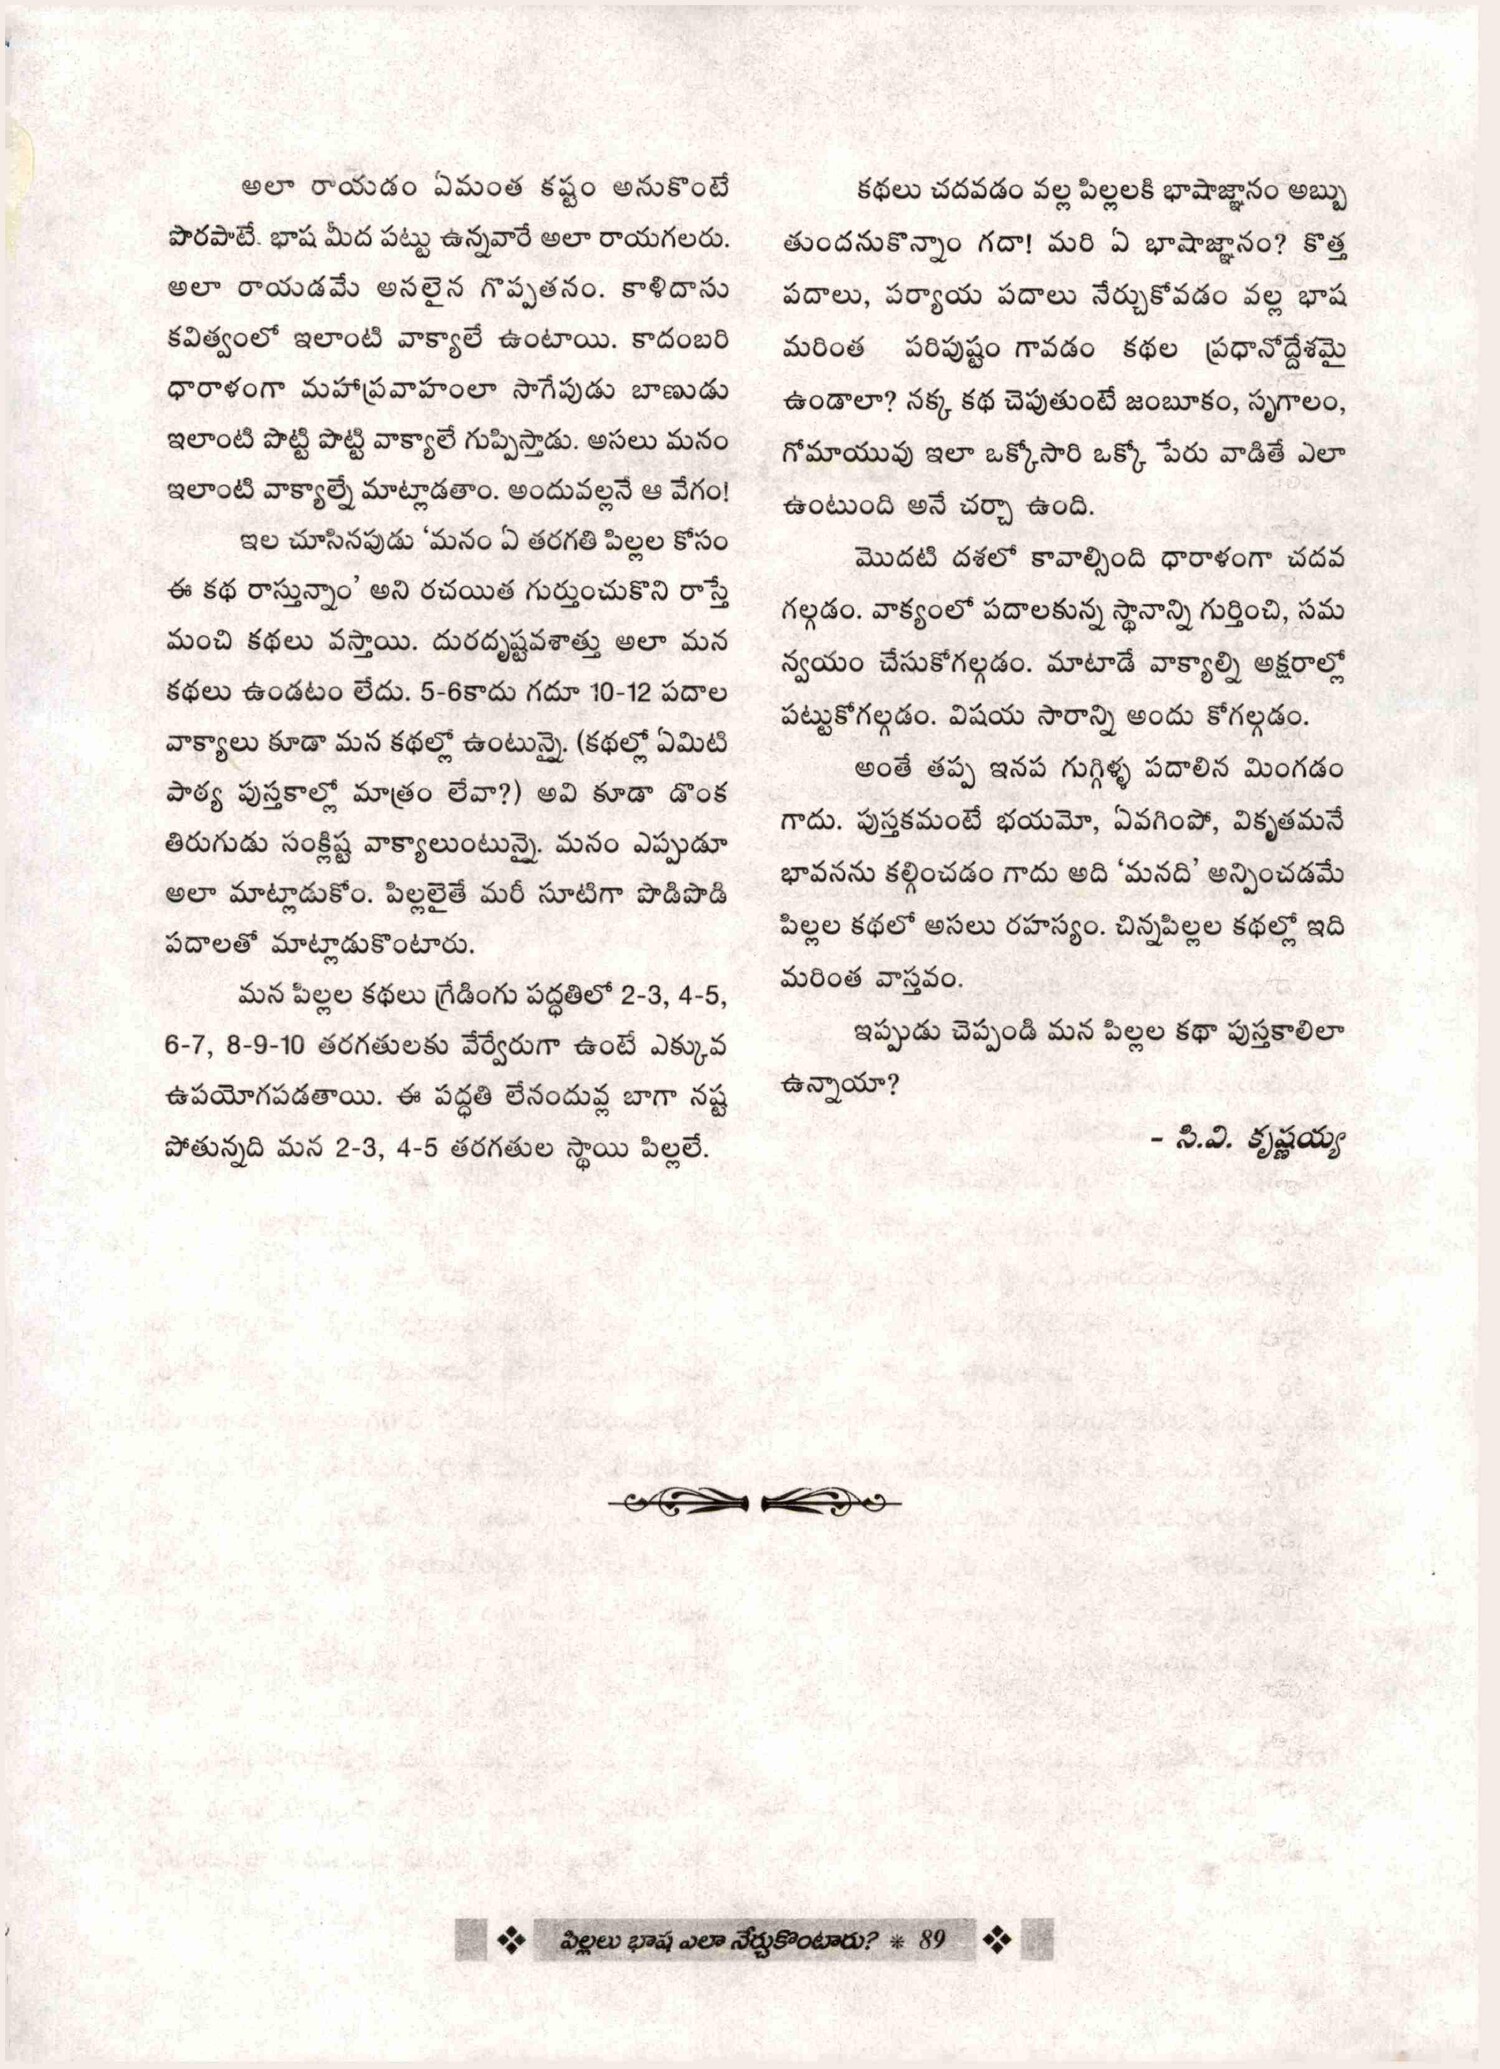అలా రాయడం ఏమంత కష్టం అనుకొంటే పొరపాటే. భాష మీద పట్టు ఉన్నవారే అలా రాయగలరు. అలా రాయడమే అసలైన గొప్పతనం. కాళిదాసు కవిత్వంలో ఇలాంటి వాక్యాలే ఉంటాయి. కాదంబరి ధారాళంగా మహాప్రవాహంలా సాగేపుడు బాణుడు ఇలాంటి పొట్టి పొట్టి వాక్యాలే గుప్పిస్తాడు. అసలు మనం ఇలాంటి వాక్యాల్నే మాట్లాడతాం. అందువల్లనే ఆ వేగం!

ఇల చూసినపుడు ‘మనం ఏ తరగతి పిల్లల కోసం ఈ కథ రాస్తున్నాం' అని రచయిత గుర్తుంచుకొని రాస్తే మంచి కథలు వస్తాయి. దురదృష్టవశాత్తు అలా మన కథలు ఉండటం లేదు. 5-6కాదు గదూ 10-12 పదాల వాక్యాలు కూడా మన కథల్లో ఉంటున్నై. (కథల్లో ఏమిటి పాఠ్య పుస్తకాల్లో మాత్రం లేవా?) అవి కూడా డొంక తిరుగుడు సంక్లిష్ట వాక్యాలుంటున్నై. మనం ఎప్పుడూ అలా మాట్లాడుకోం. పిల్లలైతే మరీ సూటిగా పొడిపొడి పదాలతో మాట్లాడుకొంటారు.

మన పిల్లల కథలు గ్రేడింగు పద్ధతిలో 2-3, 4-5, 6-7, 8-9-10 తరగతులకు వేర్వేరుగా ఉంటే ఎక్కువ ఉపయోగపడతాయి. ఈ పద్ధతి లేనందువ్ల బాగా నష్టపోతున్నది మన 2-3, 4-5 తరగతుల స్థాయి పిల్లలే.

కథలు చదవడం వల్ల పిల్లలకి భాషాజ్ఞానం అబ్బుతుందనుకొన్నాం గదా! మరి ఏ భాషాజ్ఞానం? కొత్త పదాలు, పర్యాయ పదాలు నేర్చుకోవడం వల్ల భాష మరింత పరిపుష్టం గావడం కథల ప్రధానోద్దేశమై ఉండాలా? నక్క కథ చెపుతుంటే జంబూకం, సృగాలం, గోమాయువు ఇలా ఒక్కోసారి ఒక్కో పేరు వాడితే ఎలా ఉంటుంది అనే చర్చా ఉంది.

మొదటి దశలో కావాల్సింది ధారాళంగా చదవ గల్గడం. వాక్యంలో పదాలకున్న స్థానాన్ని గుర్తించి, సమన్వయం చేసుకోగల్గడం. మాటాడే వాక్యాల్ని అక్షరాల్లో పట్టుకోగల్గడం. విషయ సారాన్ని అందు కోగల్గడం.

అంతే తప్ప ఇనప గుగ్గిళ్ళ పదాలిన మింగడం గాదు. పుస్తకమంటే భయమో, ఏవగింపో, వికృతమనే భావనను కల్గించడం గాదు అది 'మనది' అన్పించడమే పిల్లల కథలో అసలు రహస్యం. చిన్నపిల్లల కథల్లో ఇది మరింత వాస్తవం.

ఇప్పుడు చెప్పండి మన పిల్లల కథా పుస్తకాలిలా ఉన్నాయా?